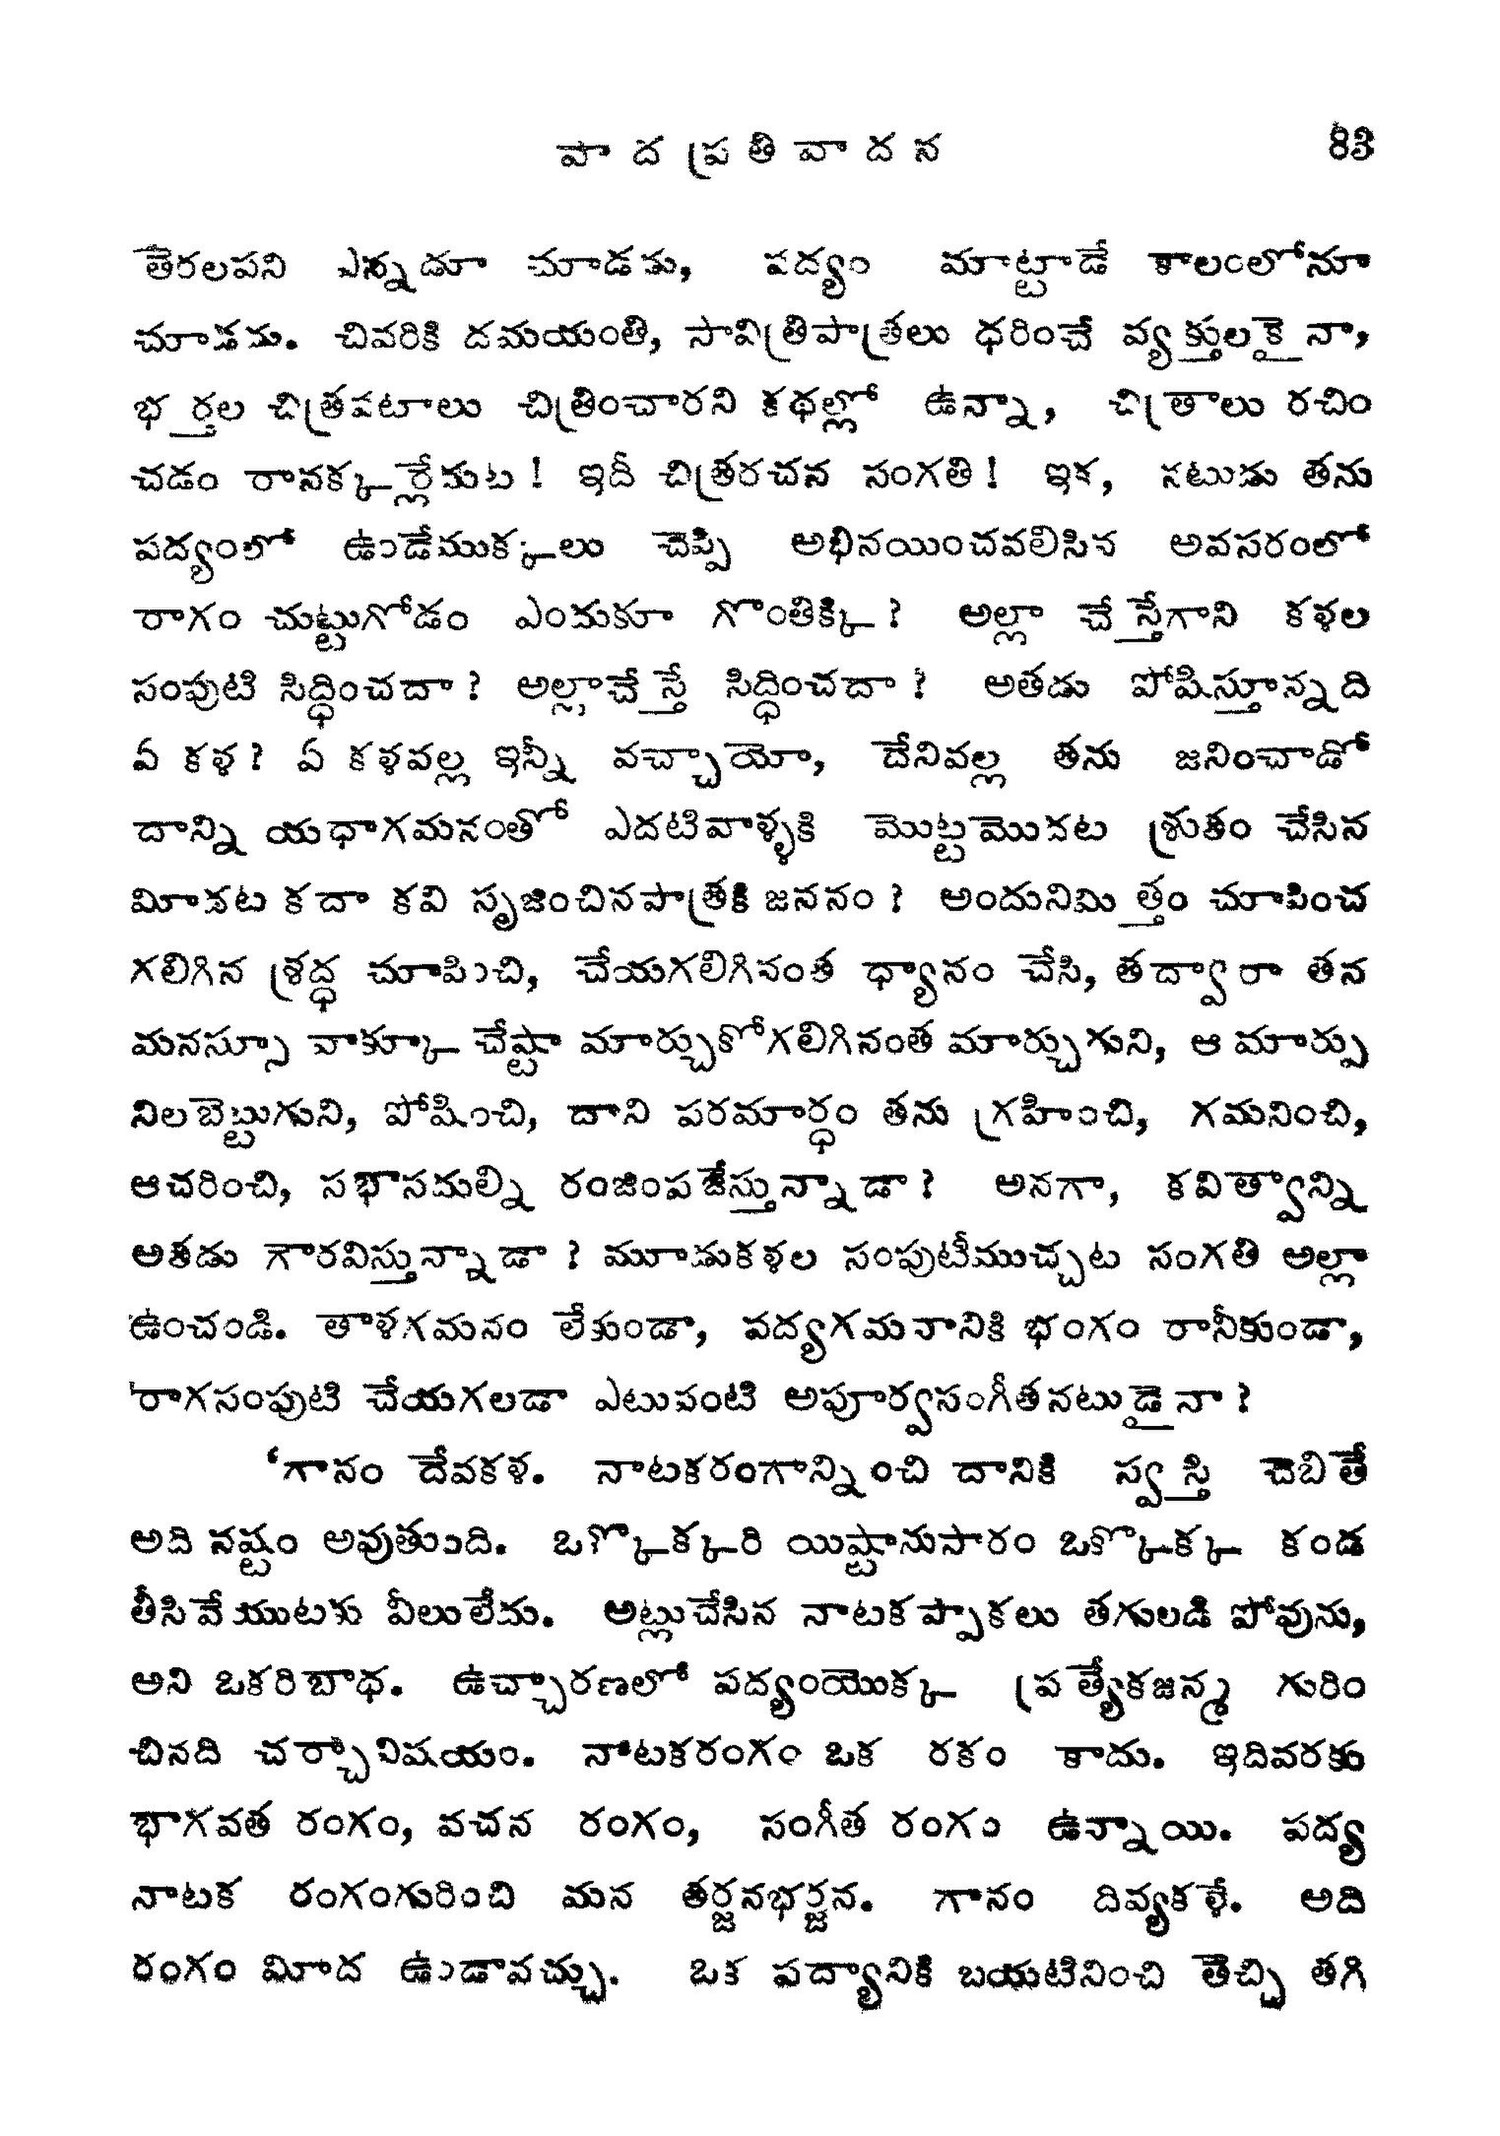తెరలపని ఎన్నడూ చూడడు, పద్యం మాట్టాడే కాలంలోనూ
చూడడు. చివరికి దమయంతి, సావిత్రిపాత్రలు ధరించే వ్యక్తులకైనా,
భర్తల చిత్రపటాలు చిత్రించారని కథల్లో ఉన్నా, చిత్రాలు రచిం
చడం రానక్కర్లేదుట! ఇదీ చిత్రరచన సంగతి! ఇక, నటుడు తను
పద్యంలో ఉండేముక్కలు చెప్పి అభినయించవలిసిన అవసరంలో
రాగం చుట్టుగోడం ఎందుకూ గొంతిక్కి? అల్లా చేస్తేగాని కళల
సంపుటి సిద్ధించదా? అల్లాచేస్తే సిద్ధించదా? అతడు పోషిస్తూన్నది
ఏ కళ? ఏ కళవల్ల ఇన్నీ వచ్చాయో, దేనివల్ల తను జనించాడో
దాన్ని యధాగమనంతో ఎదటివాళ్ళకి మొట్టమొదట శ్రుతం చేసిన
మీదట కదా కవి సృజించినపాత్రకి జననం ? అందునిమిత్తం చూపించ
గలిగిన శ్రద్ధ చూపించి, చేయగలిగినంత ధ్యానం చేసి, తద్వారా తన
మనస్సూ వాక్కూ చేష్ట మార్చుకోగలిగినంత మార్చుగుని, ఆ మార్పు
నిలబెట్టుగుని, పోషించి, దాని పరమార్ధం తను గ్రహించి, గమనించి,
ఆచరించి, సభాసదుల్ని రంజింపజేస్తున్నాడా ? అనగా, కవిత్వాన్ని
అతడు గౌరవిస్తున్నాడా ? మూడుకళల సంపుటీముచ్చట సంగతి అల్లా
ఉంచండి. తాళగమనం లేకుండా, పద్యగమనానికి భంగం రానీకుండా,
రాగసంపుటి చేయగలడా ఎటువంటి అపూర్వసంగీతనటుడైనా?

'గానం దేవకళ. నాటకరంగాన్నించి దానికి స్వస్తి చెబితే
అది నష్టం అవుతుంది. ఒక్కొక్కరి యిష్టానుసారం ఒక్కొక్క కండ
తీసివేయుటకు వీలులేదు. అట్లుచేసిన నాటకప్పాకలు తగులడి పోవును,
అని ఒకరిబాధ. ఉచ్చారణలో పద్యంయొక్క ప్రత్యేకజన్మ గురిం
చినది చర్చావిషయం. నాటకరంగం ఒక రకం కాదు. ఇదివరకు
భాగవత రంగం, వచన రంగం, సంగీత రంగం ఉన్నాయి. పద్య
నాటక రంగంగురించి మన తర్జనభర్జన. గానం దివ్యకళే. అది
రంగం మీద ఉండావచ్చు. ఒక పద్యానికి బయటినించి తెచ్చి తగి